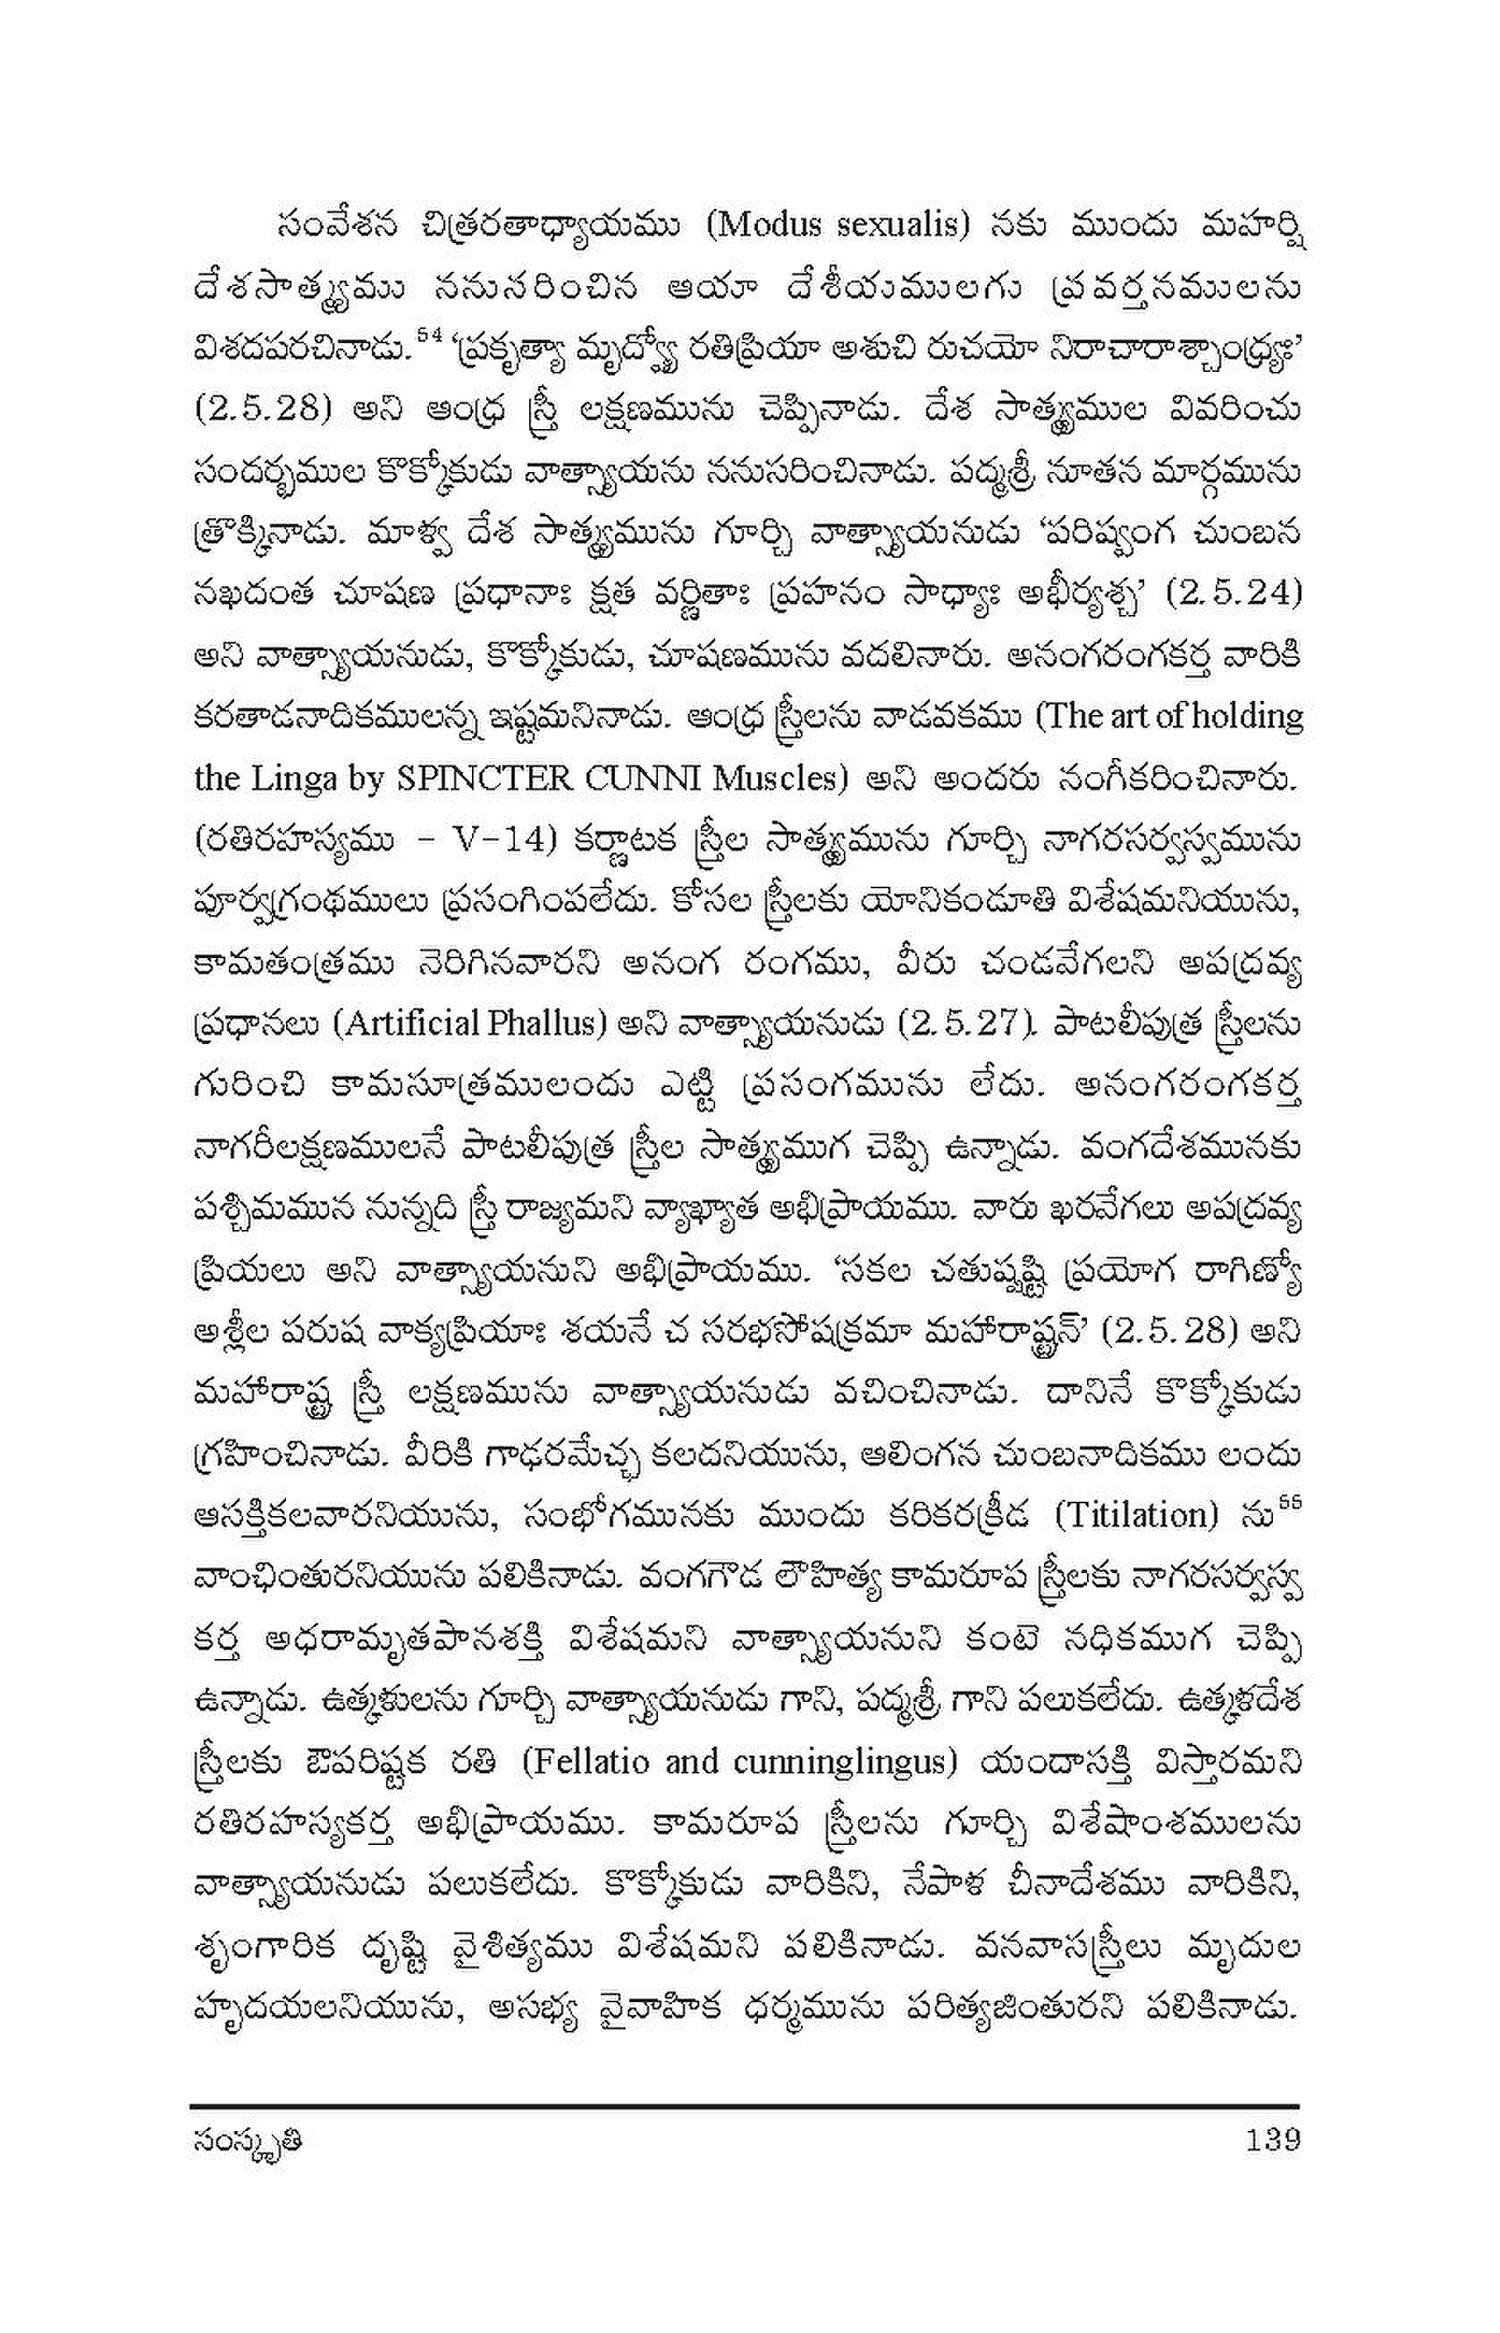సంవేశన చిత్రరతాధ్యాయము (Modus sexualis) నకు ముందు మహర్షి
దేశసాత్మ్యము ననుసరించిన ఆయా దేశీయములగు ప్రవర్తనములను
విశదపరచినాడు.‘ప్రకృత్యా మృద్యో రతిప్రియా అశుచి రుచయో నిరాచారాశ్చాంద్య్రః'
(2.5.28) అని ఆంధ్ర స్త్రీ లక్షణమును చెప్పినాడు. దేశ సాత్మ్యముల వివరించు
సందర్భముల కొక్కోకుడు వాత్స్యాయను ననుసరించినాడు. పద్మశ్రీ నూతన మార్గమును
త్రొక్కినాడు. మాళ్వ దేశ సాత్మ్యమును గూర్చి వాత్స్యాయనుడు 'పరిష్వంగ చుంబన
నఖదంత చూషణ ప్రధానాః క్షత వర్ణితాః ప్రహనం సాధ్యాః అభీర్యశ్చ' (2.5.24)
అని వాత్స్యాయనుడు, కొక్కోకుడు, చూషణమును వదలినారు. అనంగరంగకర్త వారికి
కరతాడనాదికములన్న ఇష్టమనినాడు. ఆంధ్ర స్త్రీలను వాడవకము (The art of holding
the Linga by SPINCTER CUNNI Muscles) అని అందరు నంగీకరించినారు.
(రతిరహస్యము - V-14) కర్ణాటక స్త్రీల సాత్మ్యమును గూర్చి నాగరసర్వస్వమును
పూర్వగ్రంథములు ప్రసంగింపలేదు. కోసల స్త్రీలకు యోనికండూతి విశేషమనియును,
కామతంత్రము నెరిగినవారని అనంగ రంగము, వీరు చండవేగలని అపద్రవ్య
ప్రధానలు (Artificial Phallus) అని వాత్స్యాయనుడు (2.5.27). పాటలీపుత్ర స్త్రీలను
గురించి కామసూత్రములందు ఎట్టి ప్రసంగమును లేదు. అనంగరంగకర్త
నాగరీలక్షణములనే పాటలీపుత్ర స్త్రీల సాత్మ్యముగ చెప్పి ఉన్నాడు. వంగదేశమునకు
పశ్చిమమున నున్నది స్త్రీ రాజ్యమని వ్యాఖ్యాత అభిప్రాయము. వారు ఖరవేగలు అపద్రవ్య
ప్రియలు అని వాత్స్యాయనుని అభిప్రాయము. 'సకల చతుష్షష్టి ప్రయోగ రాగిణ్యో
అశ్లీల పరుష వాక్యప్రియాః శయనే చ సరభసోషక్రమా మహారాష్ట్రన్' (2.5.28) అని
మహారాష్ట్ర స్త్రీ లక్షణమును వాత్స్యాయనుడు వచించినాడు. దానినే కొక్కోకుడు
గ్రహించినాడు. వీరికి గాఢరమేచ్ఛ కలదనియును, ఆలింగన చుంబనాదికము లందు
ఆసక్తికలవారనియును, సంభోగమునకు ముందు కరికరక్రీడ (Titilation) ను
వాంఛింతురనియును పలికినాడు. వంగగౌడ లౌహిత్య కామరూప స్త్రీలకు నాగరసర్వస్వ
కర్త అధరామృతపానశక్తి విశేషమని వాత్స్యాయనుని కంటె నధికముగ చెప్పి
ఉన్నాడు. ఉత్కళులను గూర్చి వాత్స్యాయనుడు గాని, పద్మశ్రీ గాని పలుకలేదు. ఉత్కళదేశ
స్త్రీలకు ఔపరిష్టక రతి (Fellatio and cunninglingus) యందాసక్తి విస్తారమని
రతిరహస్యకర్త అభిప్రాయము. కామరూప స్త్రీలను గూర్చి విశేషాంశములను
వాత్స్యాయనుడు పలుకలేదు. కొక్కోకుడు వారికిని, నేపాళ చీనాదేశము వారికిని,
శృంగారి దృష్టి వైశిత్యము విశేషమని పలికినాడు. వనవాసస్త్రీలు మృదుల
హృదయలనియును, అసభ్య వైవాహిక ధర్మమును పరిత్యజింతురని పలికినాడు.